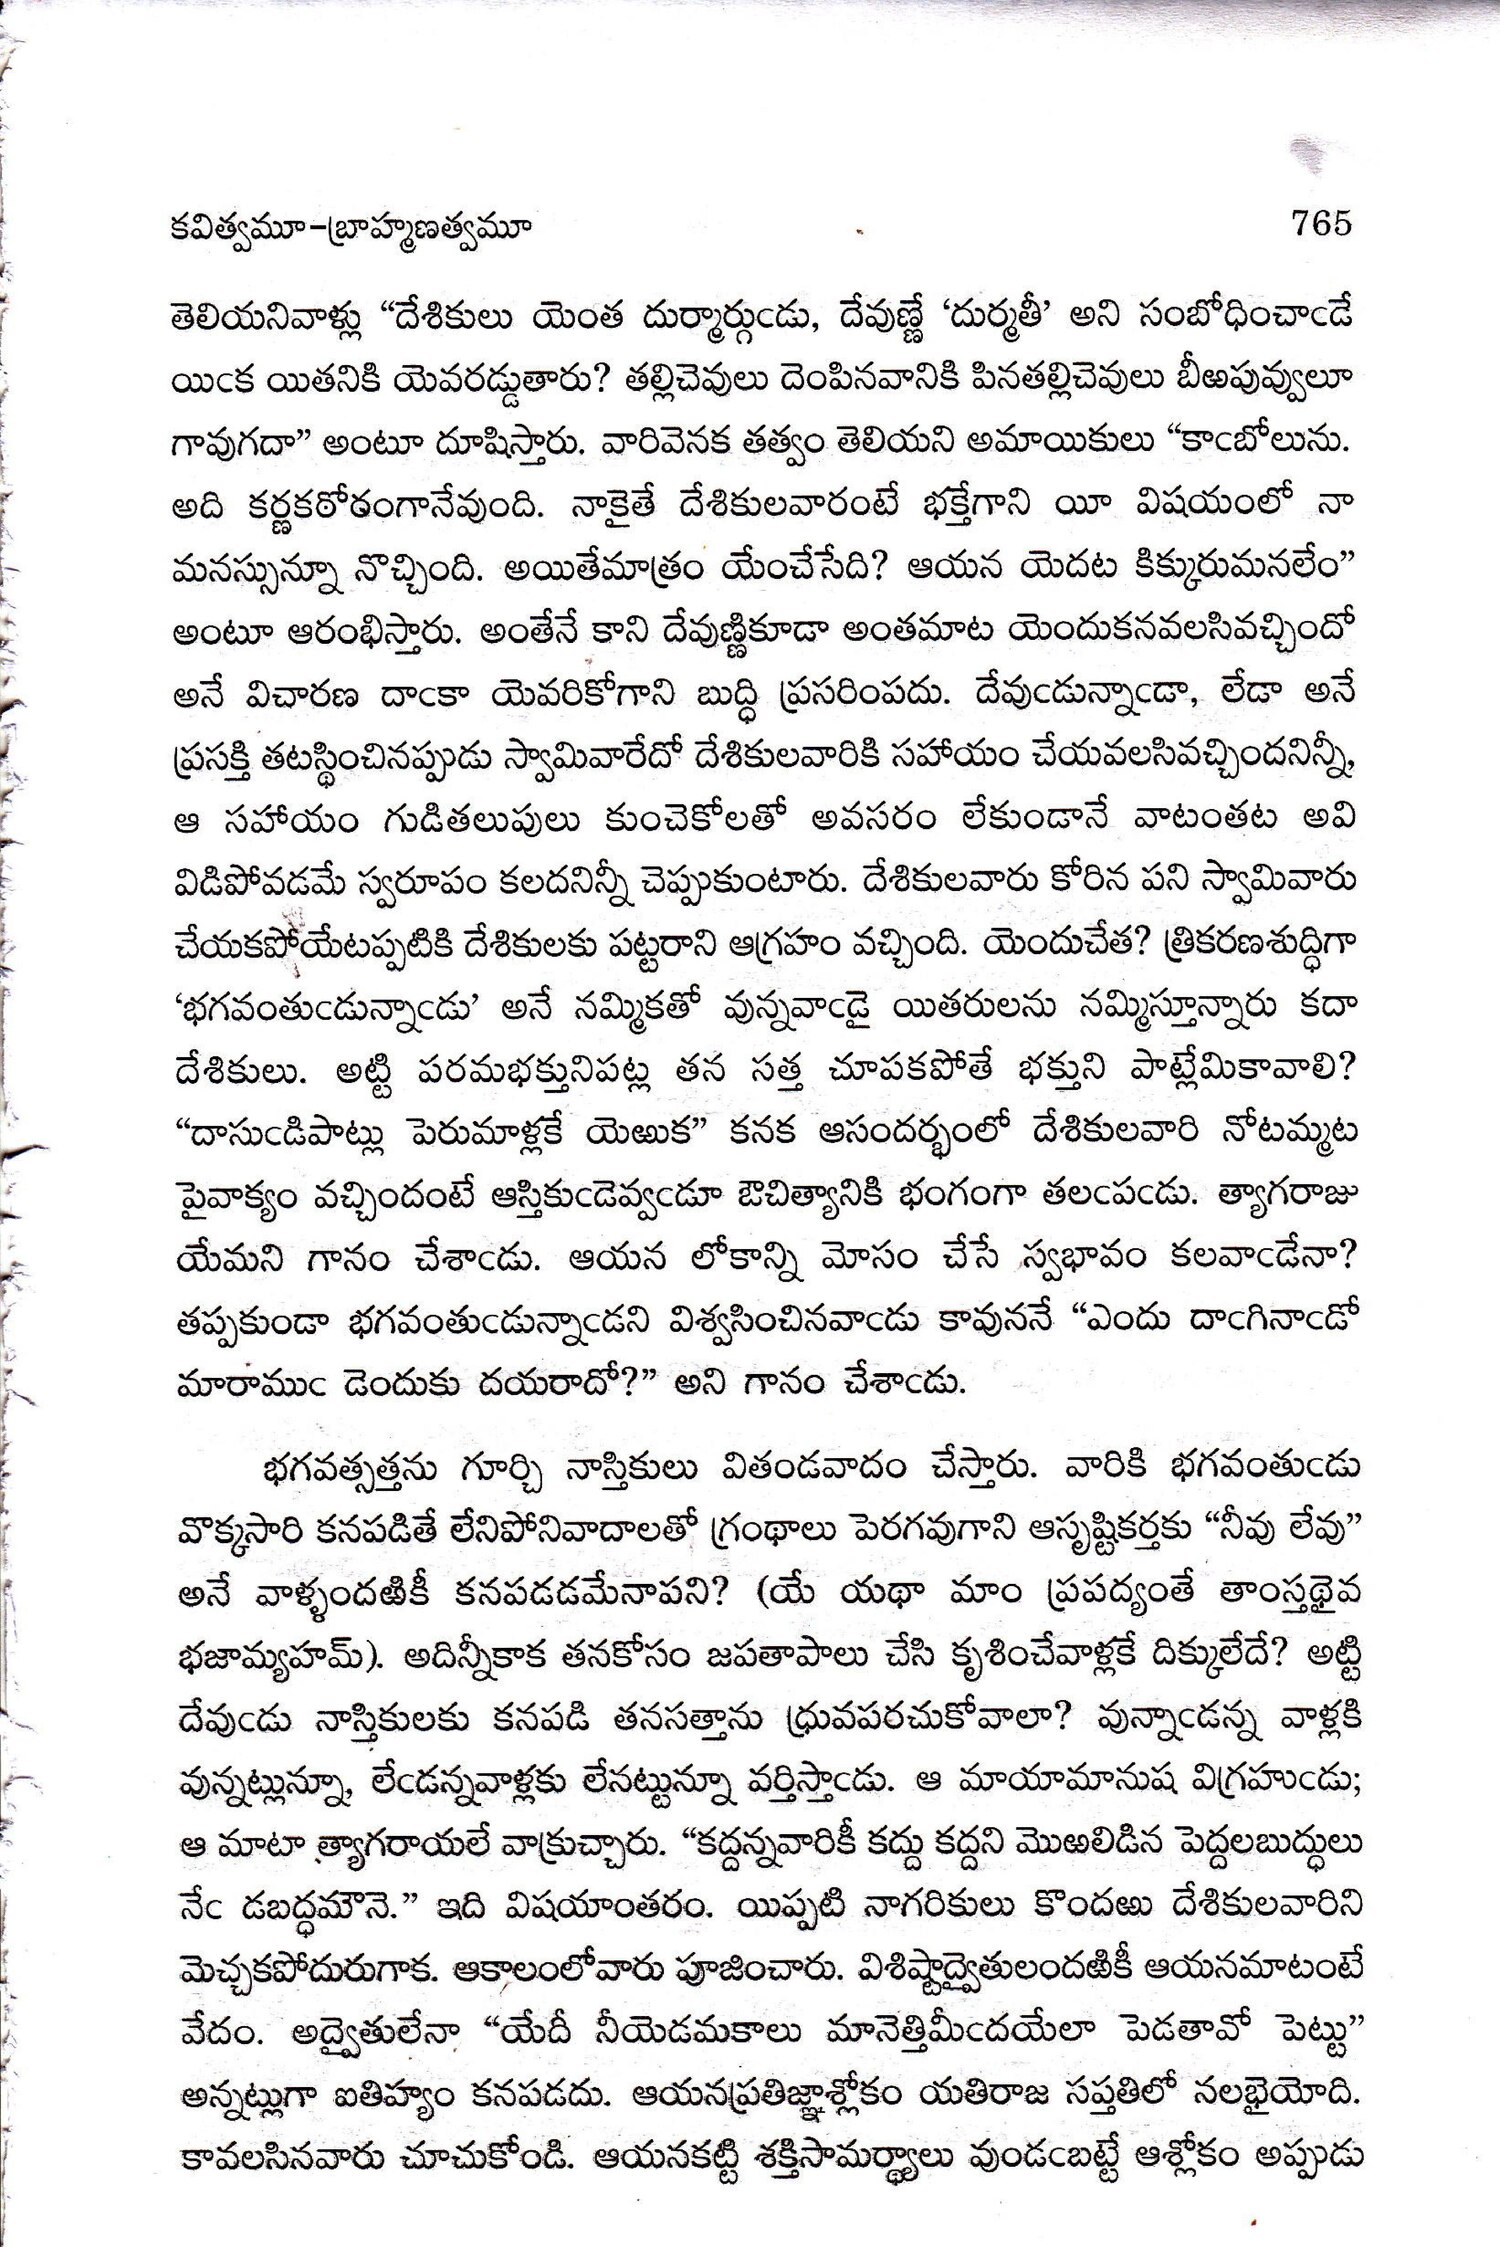తెలియనివాళ్లు “దేశికులు యెంత దుర్మార్గుఁడు, దేవుణ్ణి 'దుర్మతీ' అని సంబోధించాఁడే యిఁక యితనికి యెవరడ్డుతారు? తల్లిచెవులు దెంపినవానికి పినతల్లిచెవులు బీఱపువ్వులూ గావుగదా" అంటూ దూషిస్తారు. వారివెనక తత్వం తెలియని అమాయికులు “కాఁబోలును. అది కర్ణకఠోరంగానేవుంది. నాకైతే దేశికులవారంటే భక్షేగాని యీ విషయంలో నా మనస్సున్నూ నొచ్చింది. అయితేమాత్రం యేంచేసేది? ఆయన యెదట కిక్కురుమనలేం" అంటూ ఆరంభిస్తారు. అంతేనే కాని దేవుణ్ణికూడా అంతమాట యెందుకనవలసివచ్చిందో అనే విచారణ దాఁకా యెవరికోగాని బుద్ధి ప్రసరింపదు. దేవుఁడున్నాఁడా, లేడా అనే ప్రసక్తి తటస్థించినప్పుడు స్వామివారేదో దేశికులవారికి సహాయం చేయవలసివచ్చిందనిన్నీ ఆ సహాయం గుడితలుపులు కుంచెకోలతో అవసరం లేకుండానే వాటంతట అవి విడిపోవడమే స్వరూపం కలదనిన్నీ చెప్పుకుంటారు. దేశికులవారు కోరిన పని స్వామివారు చేయకపోయేటప్పటికి దేశికులకు పట్టరాని ఆగ్రహం వచ్చింది. యెందుచేత? త్రికరణశుద్ధిగా భగవంతుఁడున్నాఁడు' అనే నమ్మికతో వున్నవాఁడై యితరులను నమ్మిస్తూన్నారు కదా దేశికులు. అట్టి పరమభక్తునిపట్ల తన సత్త చూపకపోతే భక్తుని పాట్లేమికావాలి? “దాసుఁడిపాట్లు పెరుమాళ్లకే యెఱుక” కనక ఆసందర్భంలో దేశికులవారి నోటమ్మట పైవాక్యం వచ్చిందంటే ఆస్తికుఁడెవ్వఁడూ ఔచిత్యానికి భంగంగా తలఁపఁడు. త్యాగరాజు యేమని గానం చేశాఁడు. ఆయన లోకాన్ని మోసం చేసే స్వభావం కలవాఁడేనా? తప్పకుండా భగవంతుఁడున్నాఁడని విశ్వసించినవాఁడు కావుననే “ఎందు దాఁగినాఁడో మారాముఁ డెందుకు దయరాదో?" అని గానం చేశాఁడు.

భగవత్సత్తను గూర్చి నాస్తికులు వితండవాదం చేస్తారు. వారికి భగవంతుఁడు వొక్కసారి కనపడితే లేనిపోనివాదాలతో గ్రంథాలు పెరగవుగాని ఆసృష్టికర్తకు "నీవు లేవు" అనే వాళ్ళందఱికీ కనపడడమేనాపని? (యే యథా మాం ప్రపద్యంతే తాంస్తథైవ భజామ్యహమ్). అదిన్నీకాక తనకోసం జపతాపాలు చేసి కృశించేవాళ్లకే దిక్కులేదే? అట్టి దేవుఁడు నాస్తికులకు కనపడి తనసత్తాను ధ్రువపరచుకోవాలా? వున్నాఁడన్న వాళ్లకి వున్నట్లున్నూ లేఁడన్నవాళ్లకు లేనట్టున్నూ వర్తిస్తాఁడు. ఆ మాయామానుష విగ్రహుఁడు; ఆ మాటా త్యాగరాయలే వాక్రుచ్చారు. "కద్దన్నవారికీ కద్దు కద్దని మొఱలిడిన పెద్దలబుద్దులు నేఁ డబద్ధమౌనె." ఇది విషయాంతరం. యిప్పటి నాగరికులు కొందఱు దేశికులవారిని మెచ్చకపోదురుగాక. ఆకాలంలోవారు పూజించారు. విశిష్టాద్వైతులందఱికీ ఆయనమాటంటే వేదం. అద్వైతులేనా "యేదీ నీయెడమకాలు మానెత్తిమీఁదయేలా పెడతావో పెట్టు" అన్నట్లుగా ఐతిహ్యం కనపడదు. ఆయనప్రతిజ్ఞాశ్లోకం యతిరాజ సప్తతిలో నలభైయోది. కావలసినవారు చూచుకోండి. ఆయనకట్టి శక్తిసామర్థ్యాలు వుండఁబట్టే ఆశ్లోకం అప్పుడు